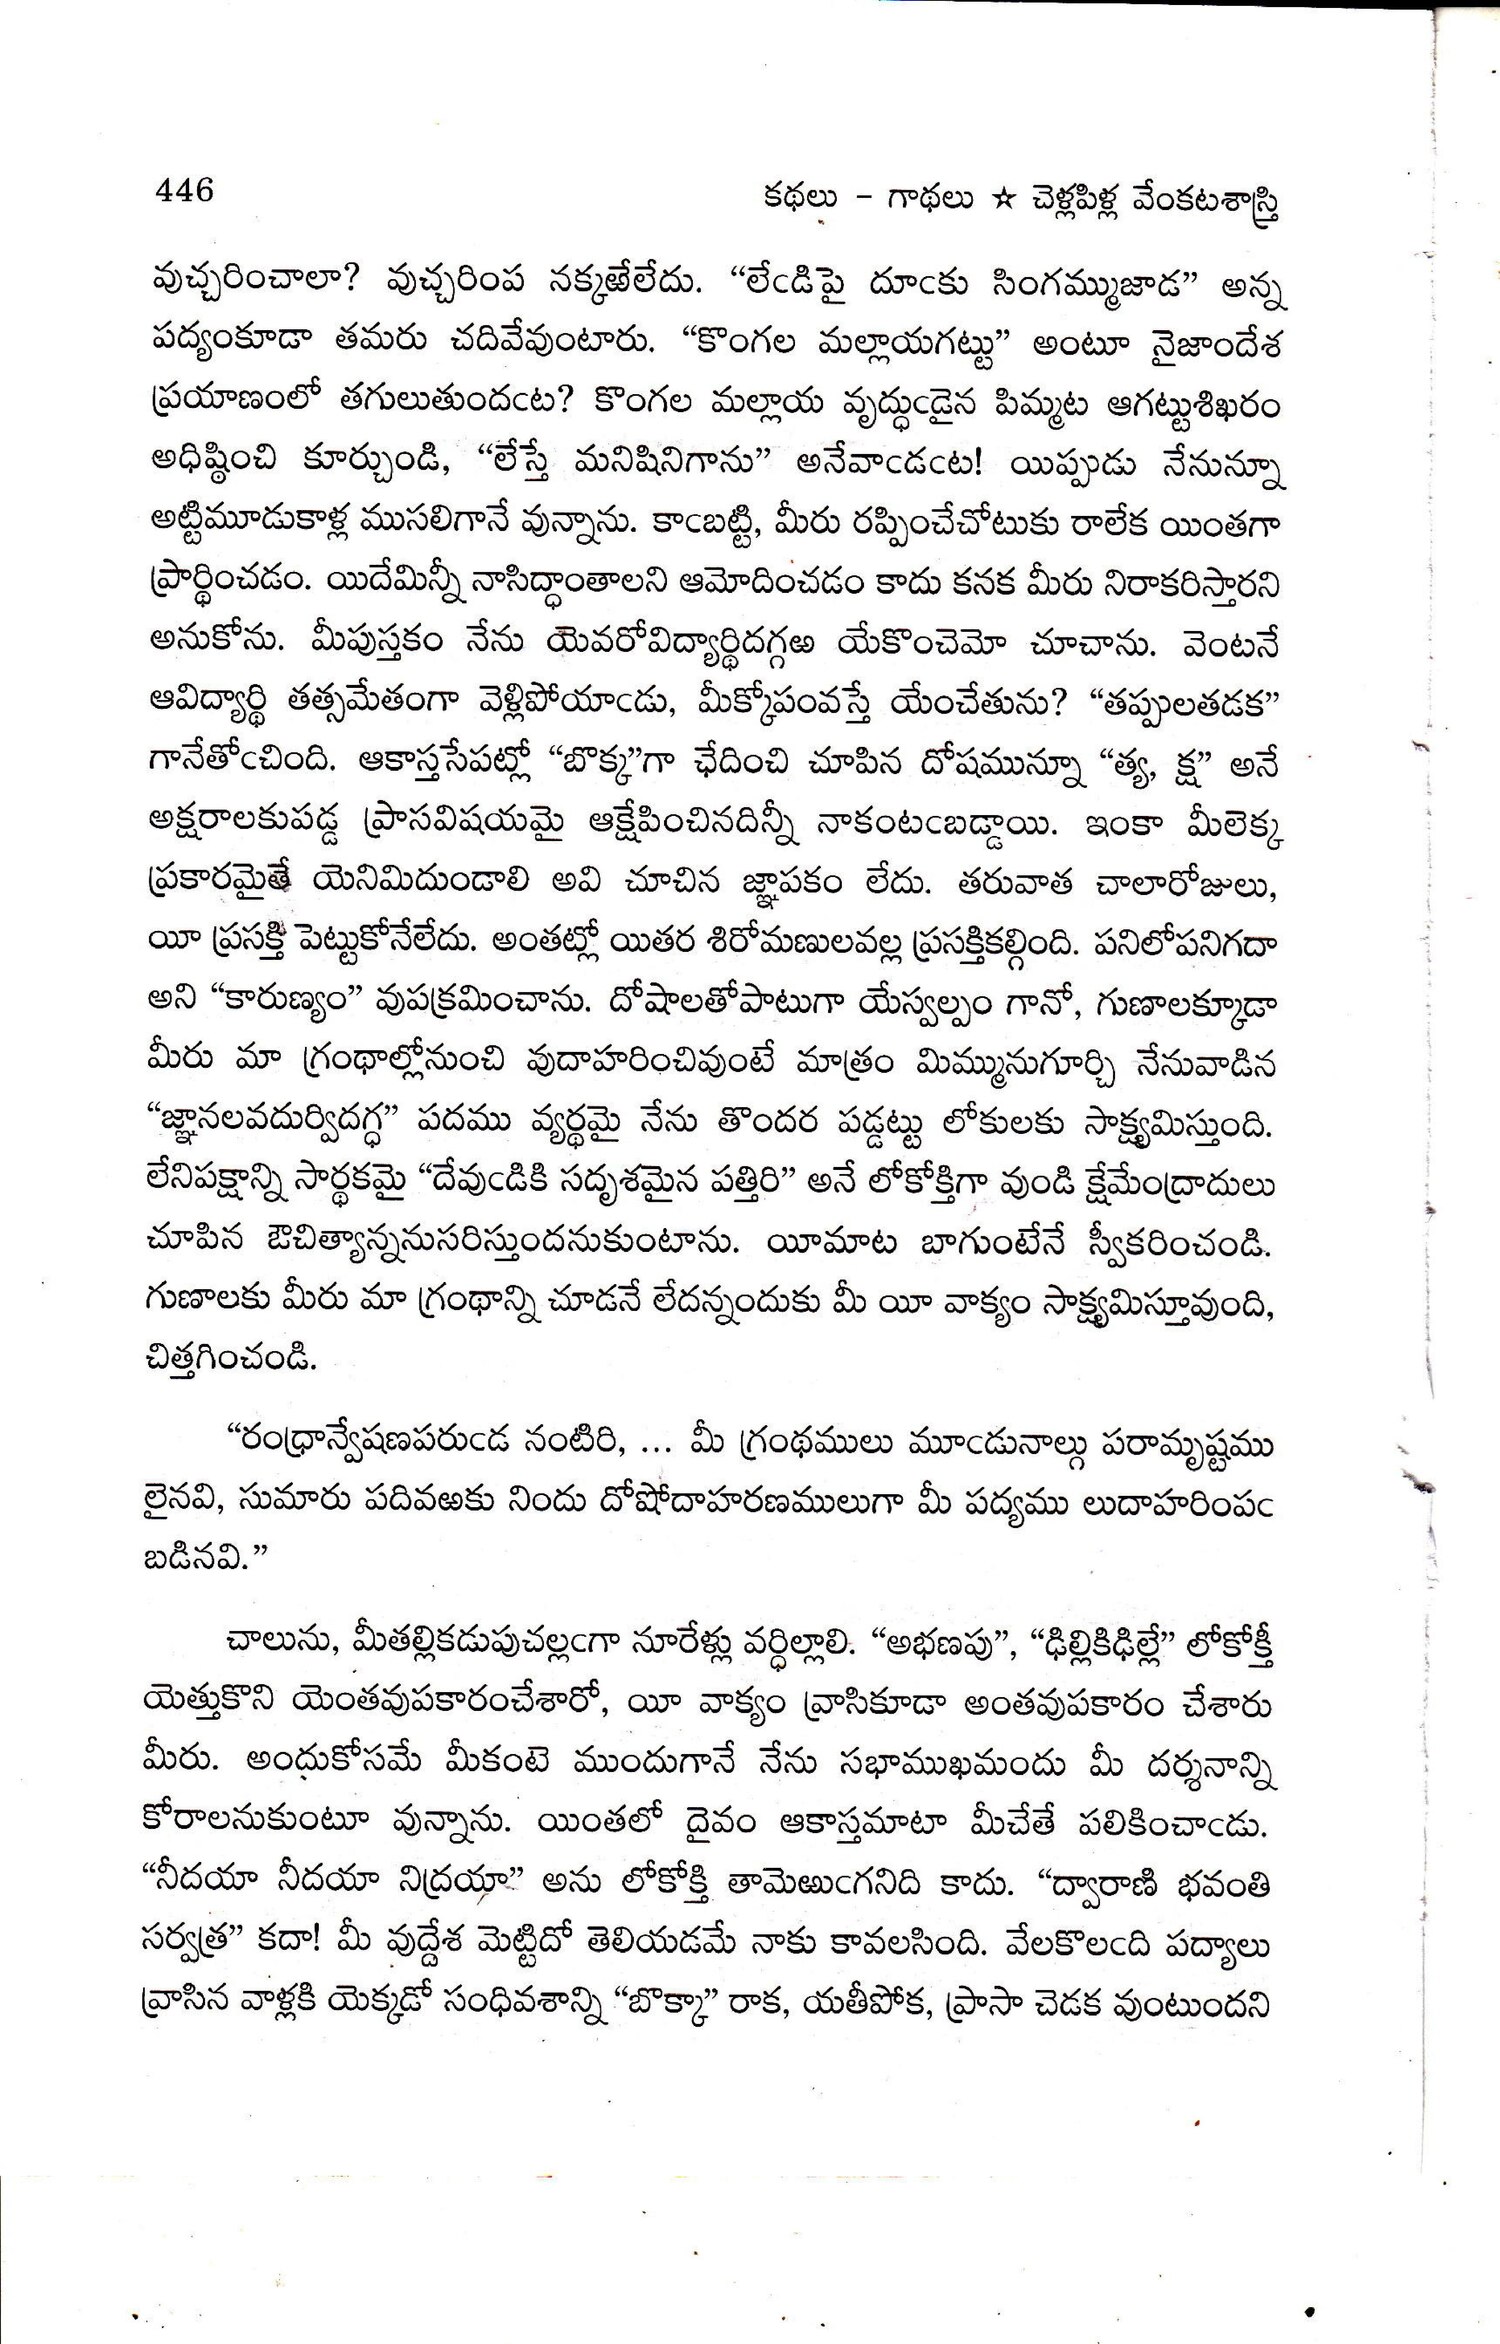వుచ్చరించాలా? వుచ్చరింప నక్కఱేలేదు. “లేఁడిపై దూఁకు సింగమ్ముజాడ అన్న పద్యంకూడా తమరు చదివేవుంటారు. “కొంగల మల్లాయగట్టు” అంటూ నైజాందేశ ప్రయాణంలో తగులుతుందఁట? కొంగల మల్లాయ వృద్దుఁడైన పిమ్మట ఆగట్టుశిఖరం అధిష్ఠించి కూర్చుండి, “లేస్తే మనిషినిగాను” అనేవాఁడఁట! యిప్పుడు నేనున్నూ అట్టిమూడుకాళ్ల ముసలిగానే వున్నాను. కాఁబట్టి, మీరు రప్పించేచోటుకు రాలేక యింతగా ప్రార్ధించడం. యిదేమిన్నీ నాసిద్ధాంతాలని ఆమోదించడం కాదు కనక మీరు నిరాకరిస్తారని అనుకోను. మీపుస్తకం నేను యెవరోవిద్యార్థిదగ్గఱ యేకొంచెమో చూచాను. వెంటనే ఆవిద్యార్థి తత్సమేతంగా వెళ్లిపోయాఁడు, మీక్కోపంవస్తే యేంచేతును? “తప్పులతడక”
గానేతోఁచింది. ఆకాస్తసేపట్లో “బొక్క"గా ఛేదించి చూపిన దోషమున్నూ “త్య, క్ష" అనే అక్షరాలకుపడ్డ ప్రాసవిషయమై ఆక్షేపించినదిన్నీ నాకంటఁబడ్డాయి. ఇంకా మీలెక్క ప్రకారమైతే యెనిమిదుండాలి అవి చూచిన జ్ఞాపకం లేదు. తరువాత చాలారోజులు, యీ ప్రసక్తి పెట్టుకోనేలేదు. అంతట్లో యితర శిరోమణులవల్ల ప్రసక్తికల్గింది. పనిలోపనిగదా అని “కారుణ్యం" వుపక్రమించాను. దోషాలతోపాటుగా యేస్వల్పం గానో, గుణాలక్కూడా మీరు మా గ్రంథాల్లోనుంచి వుదాహరించివుంటే మాత్రం మిమ్మునుగూర్చి నేనువాడిన "జ్ఞానలవదుర్విదగ్ధ" పదము వ్యర్థమై నేను తొందర పడ్డట్టు లోకులకు సాక్ష్యమిస్తుంది. లేనిపక్షాన్ని సార్థకమై “దేవుఁడికి సదృశమైన పత్తిరి" అనే లోకోక్తిగా వుండి క్షేమేంద్రాదులు చూపిన ఔచిత్యాన్ననుసరిస్తుందనుకుంటాను. యీమాట బాగుంటేనే స్వీకరించండి. గుణాలకు మీరు మా గ్రంథాన్ని చూడనే లేదన్నందుకు మీ యీ వాక్యం సాక్ష్యమిస్తూవుంది, చిత్తగించండి.

“రంధ్రాన్వేషణపరుఁడ నంటిరి, ... మీ గ్రంథములు మూఁడునాల్గు పరామృష్టము లైనవి, సుమారు పదివఱకు నిందు దోషోదాహరణములుగా మీ పద్యము లుదాహరింపఁ బడినవి.”

చాలును, మీతల్లికడుపుచల్లఁగా నూరేళ్లు వర్ధిల్లాలి. "అభణపు", "ఢిల్లికిఢిల్లే" లోకోక్తీ యెత్తుకొని యెంతవుపకారంచేశారో, యీ వాక్యం వ్రాసికూడా అంతవుపకారం చేశారు మీరు. అందుకోసమే మీకంటె ముందుగానే నేను సభాముఖమందు మీ దర్శనాన్ని కోరాలనుకుంటూ వున్నాను. యింతలో దైవం ఆకాస్తమాటా మీచేతే పలికించాcడు. “నీదయా నీదయా నిద్రయా” అను లోకోక్తి తామెఱుఁగనిది కాదు. “ద్వారాణి భవంతి సర్వత్ర" కదా! మీ వుద్దేశ మెట్టిదో తెలియడమే నాకు కావలసింది. వేలకొలఁది పద్యాలు వ్రాసిన వాళ్లకి యెక్కడో సంధివశాన్ని “బొక్కా" రాక, యతీపోక, ప్రాసా చెడక వుంటుందని